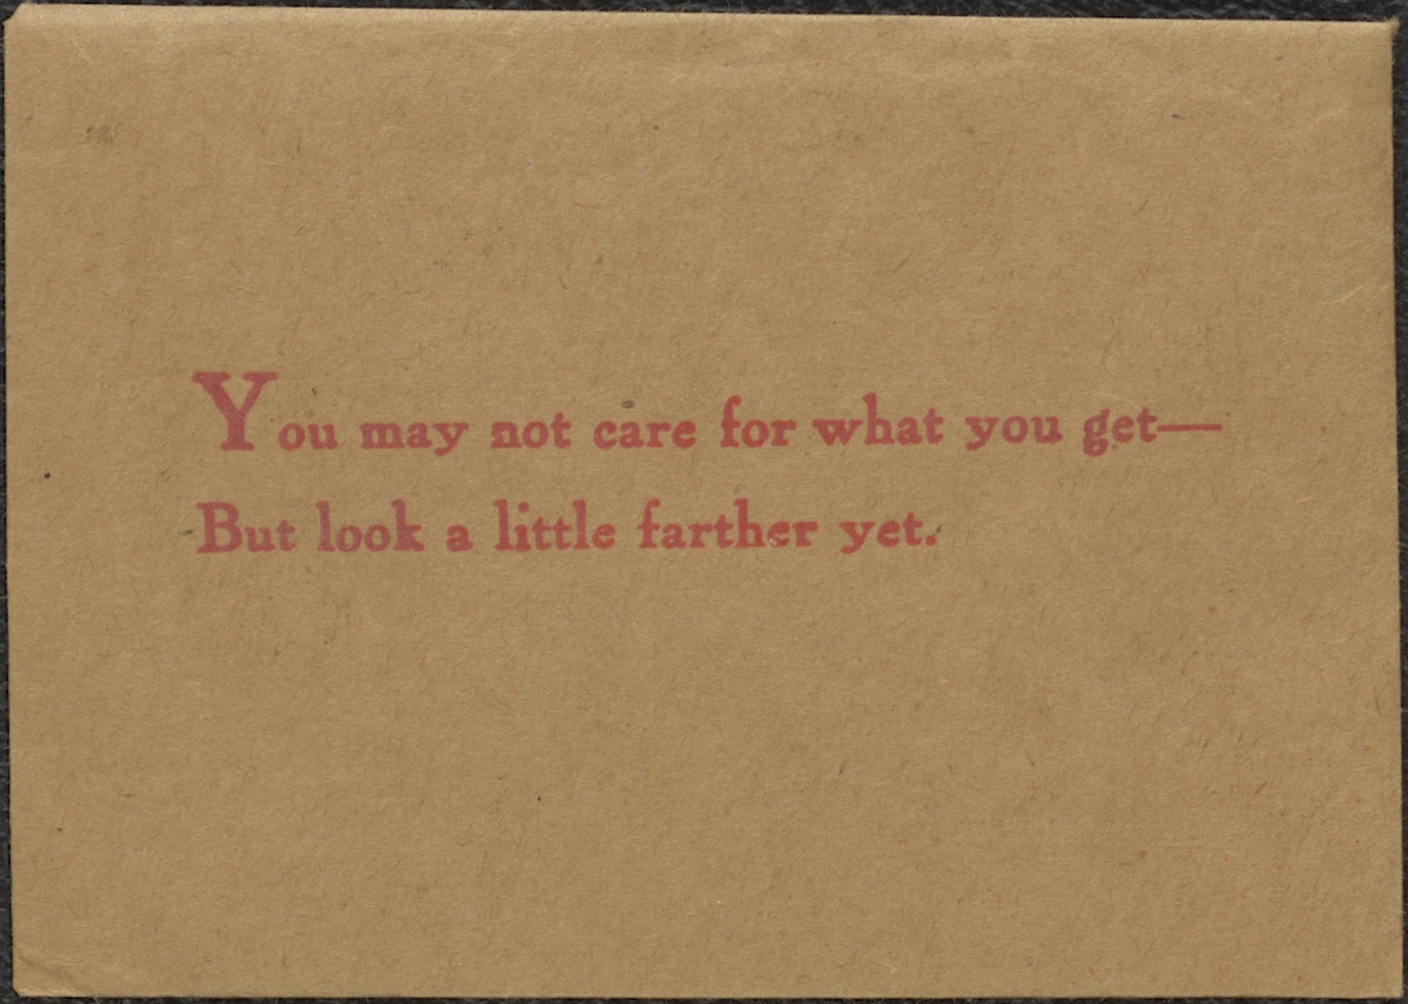[5]
You may not care for what you get—
But look a little farther yet.